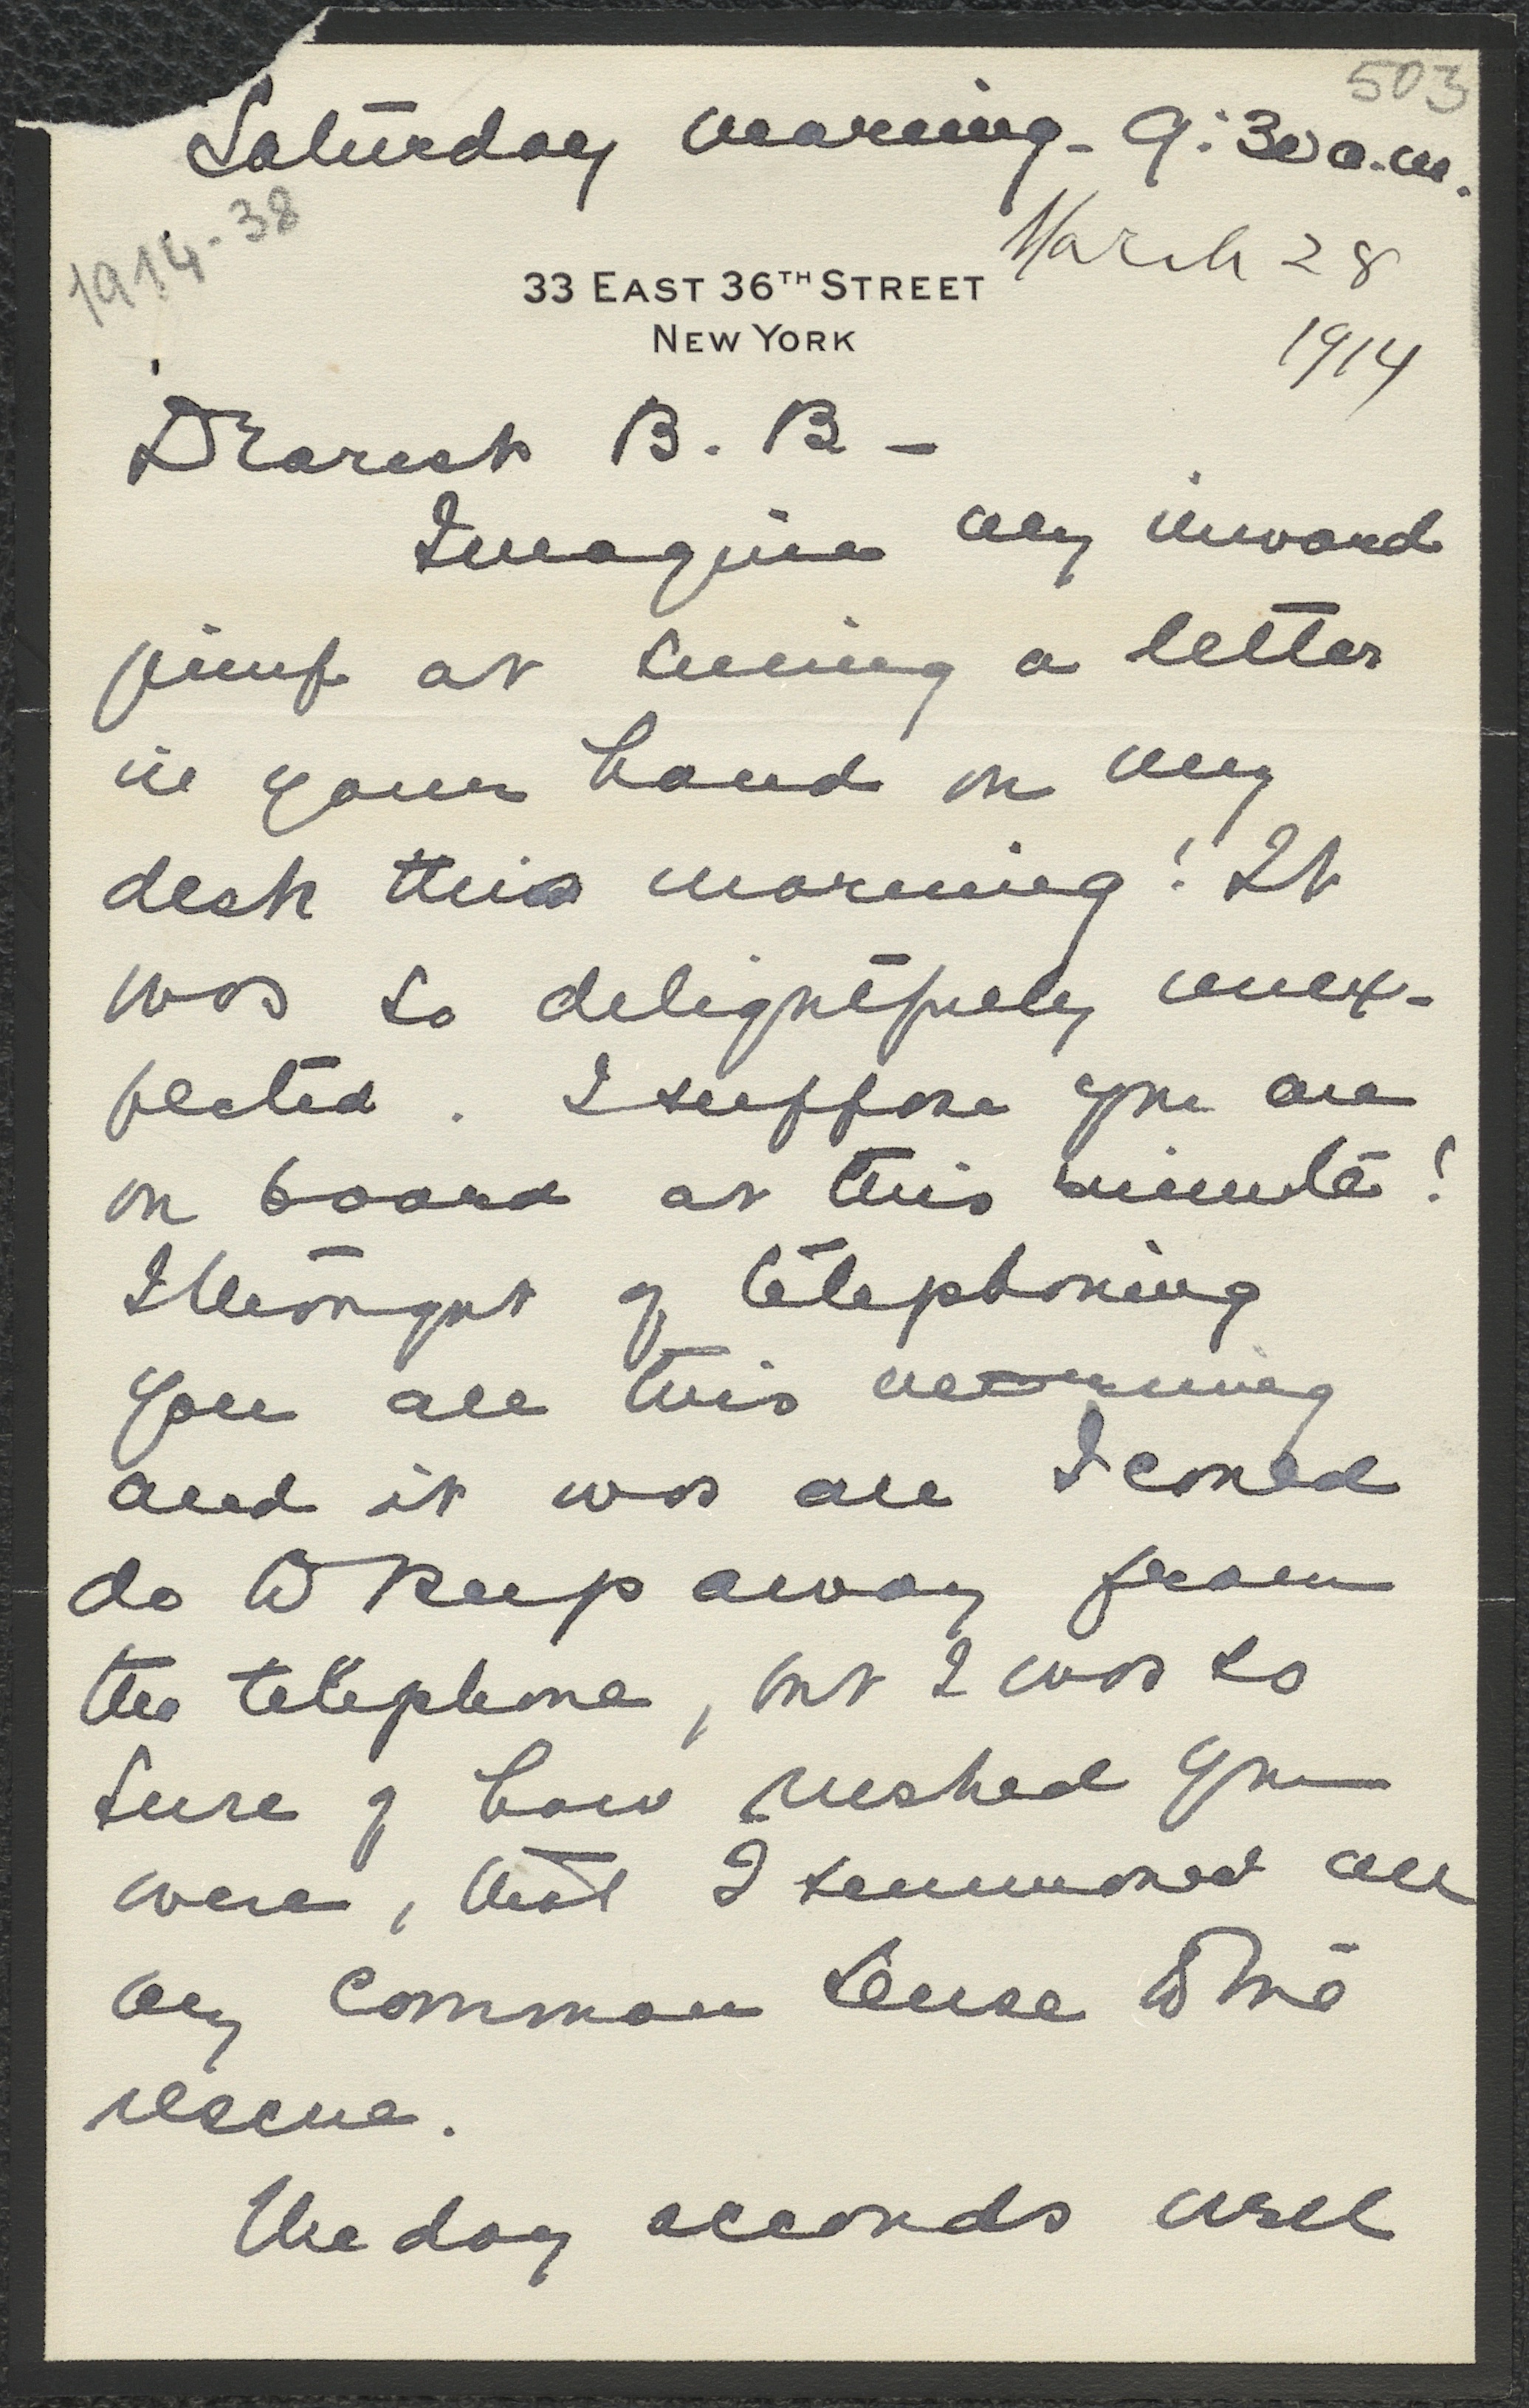Saturday morning 9:30 a.m.
Dearest B.B. –
Imagine my inward jump at seeing a letter in your hand on my desk this morning! It was so delightfully unexpected. I suppose you are on board at this minute! I thought of telephoning you all this morning and it was all I could do to keep away from the telephone, but I was so sure of how rushed you were, that I summoned all my common sense to the rescue.
The day accords well